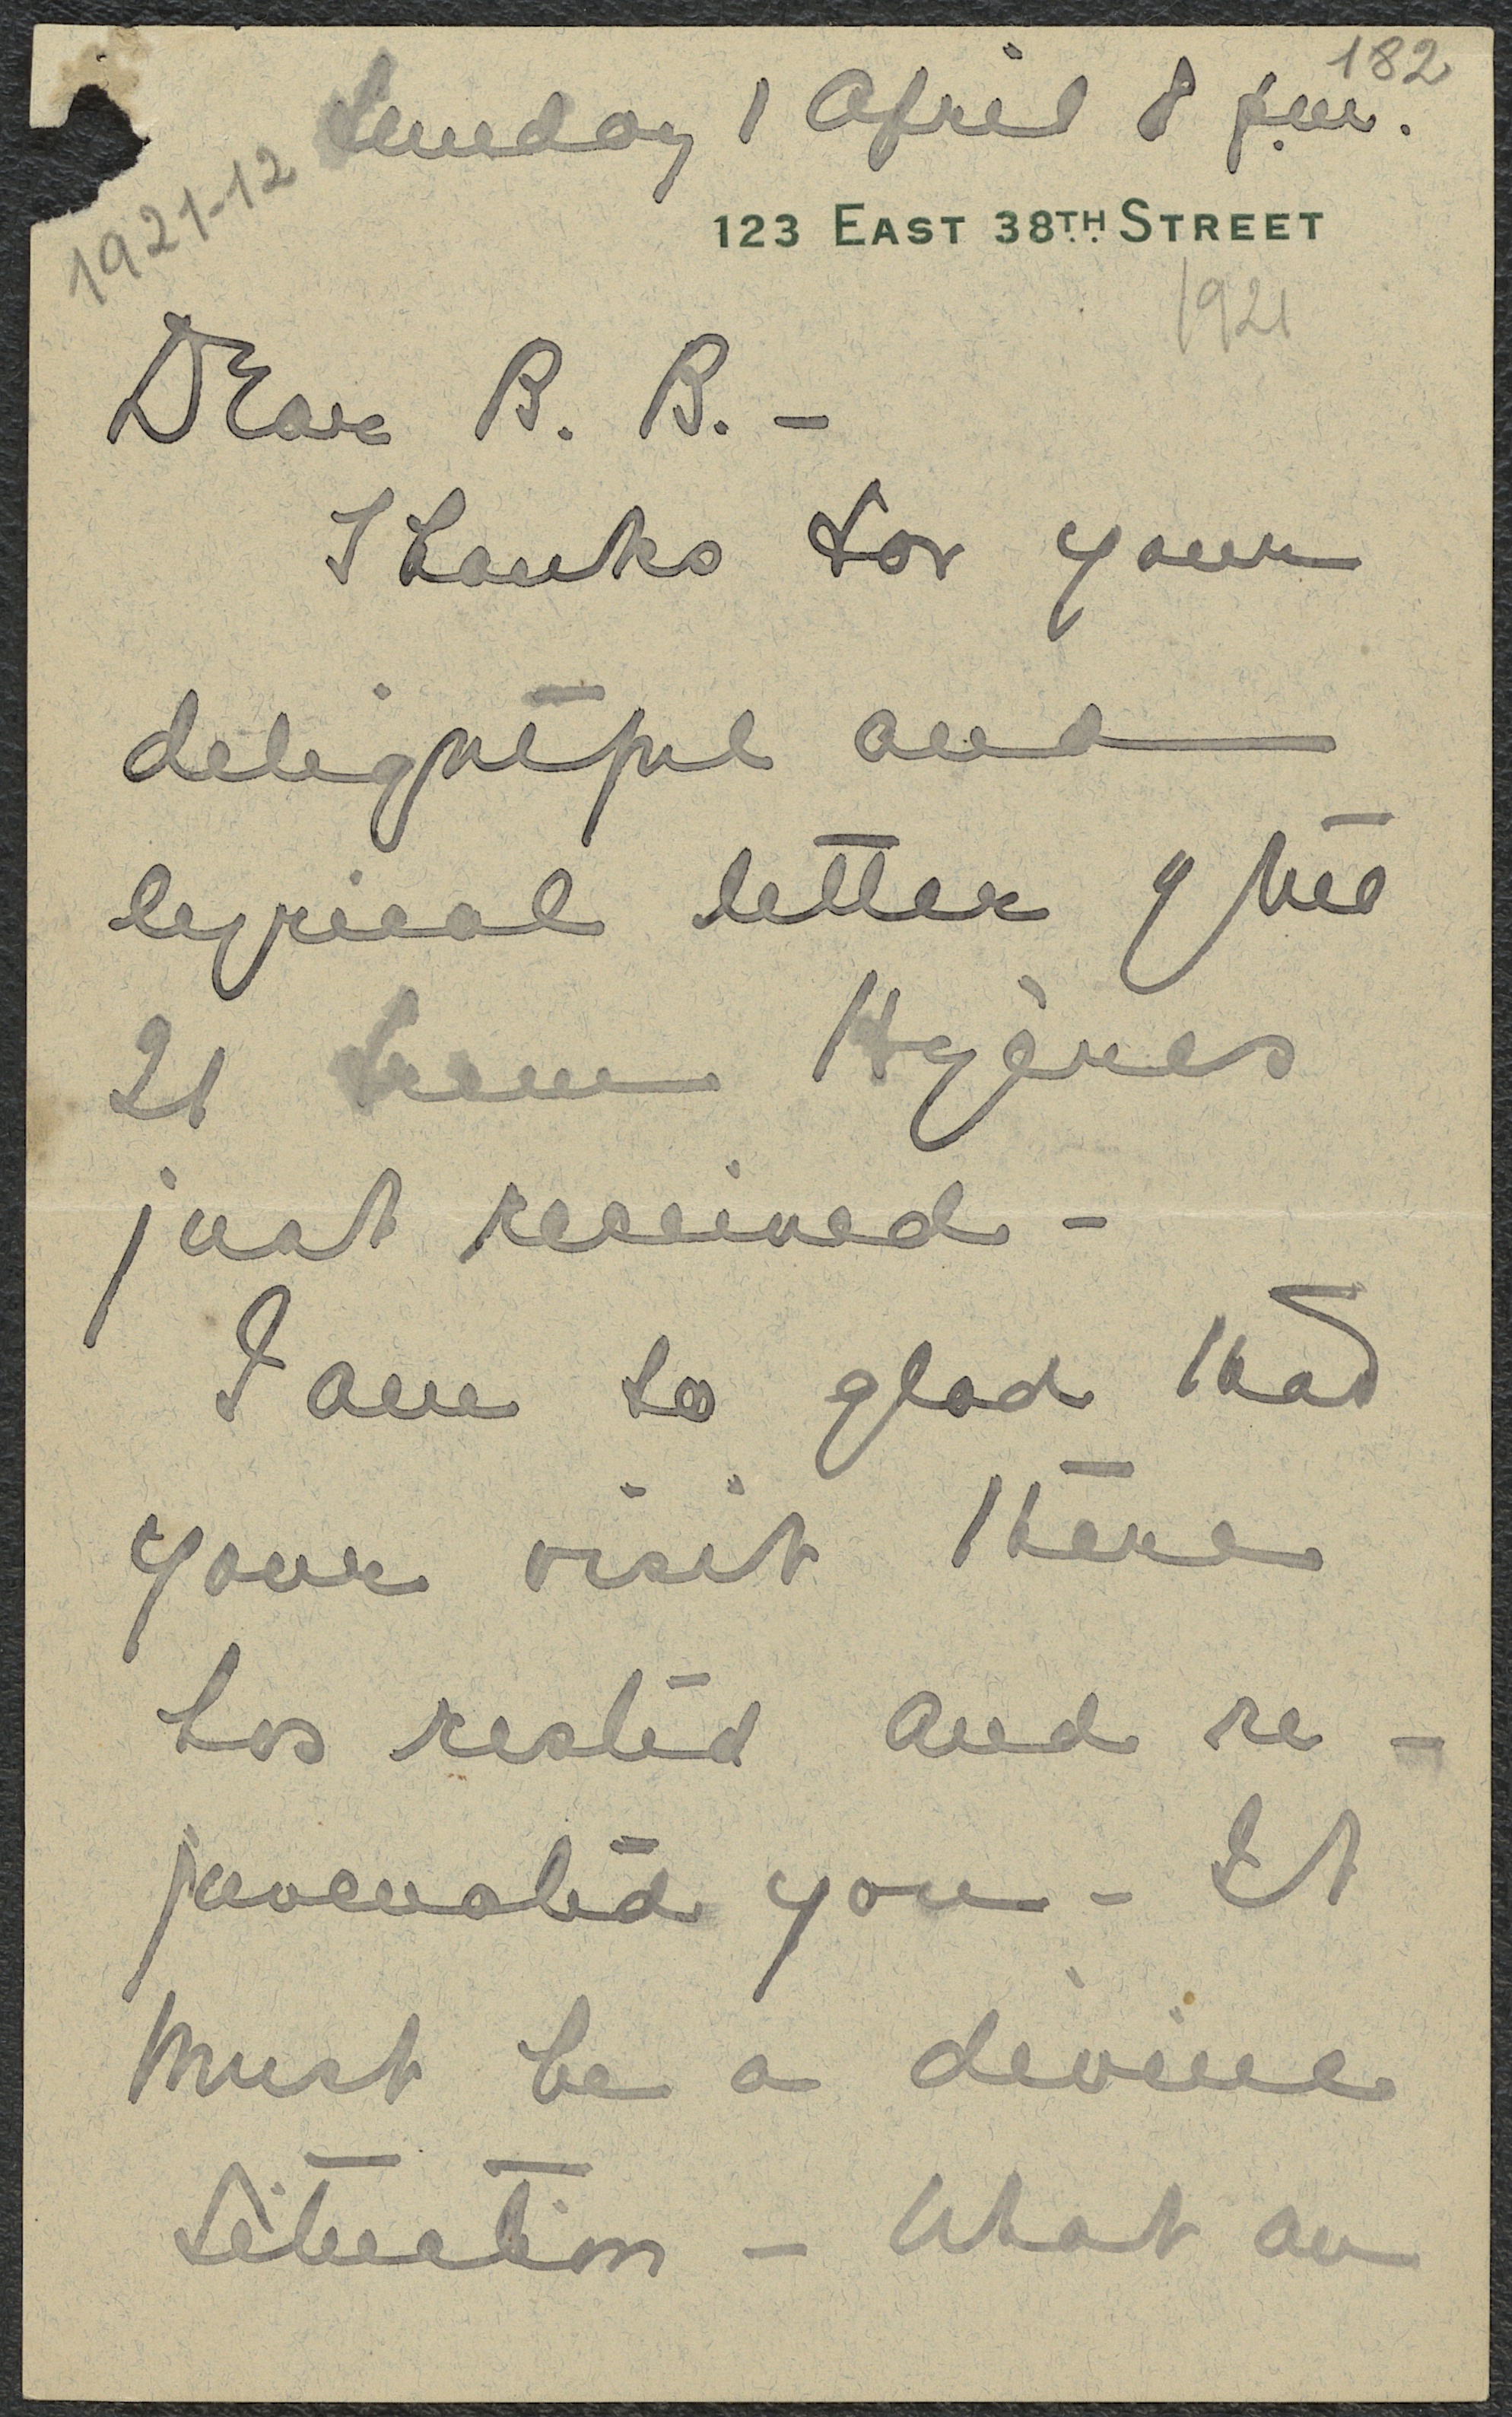Sunday 1 April 8 p.m.
Dear B.B. –
Thanks for your delightful and lyrical letter of the 21 from Hyères just received –
I am so glad that your visit there has rested and rejuvenated you – It must be a divine situation – What an